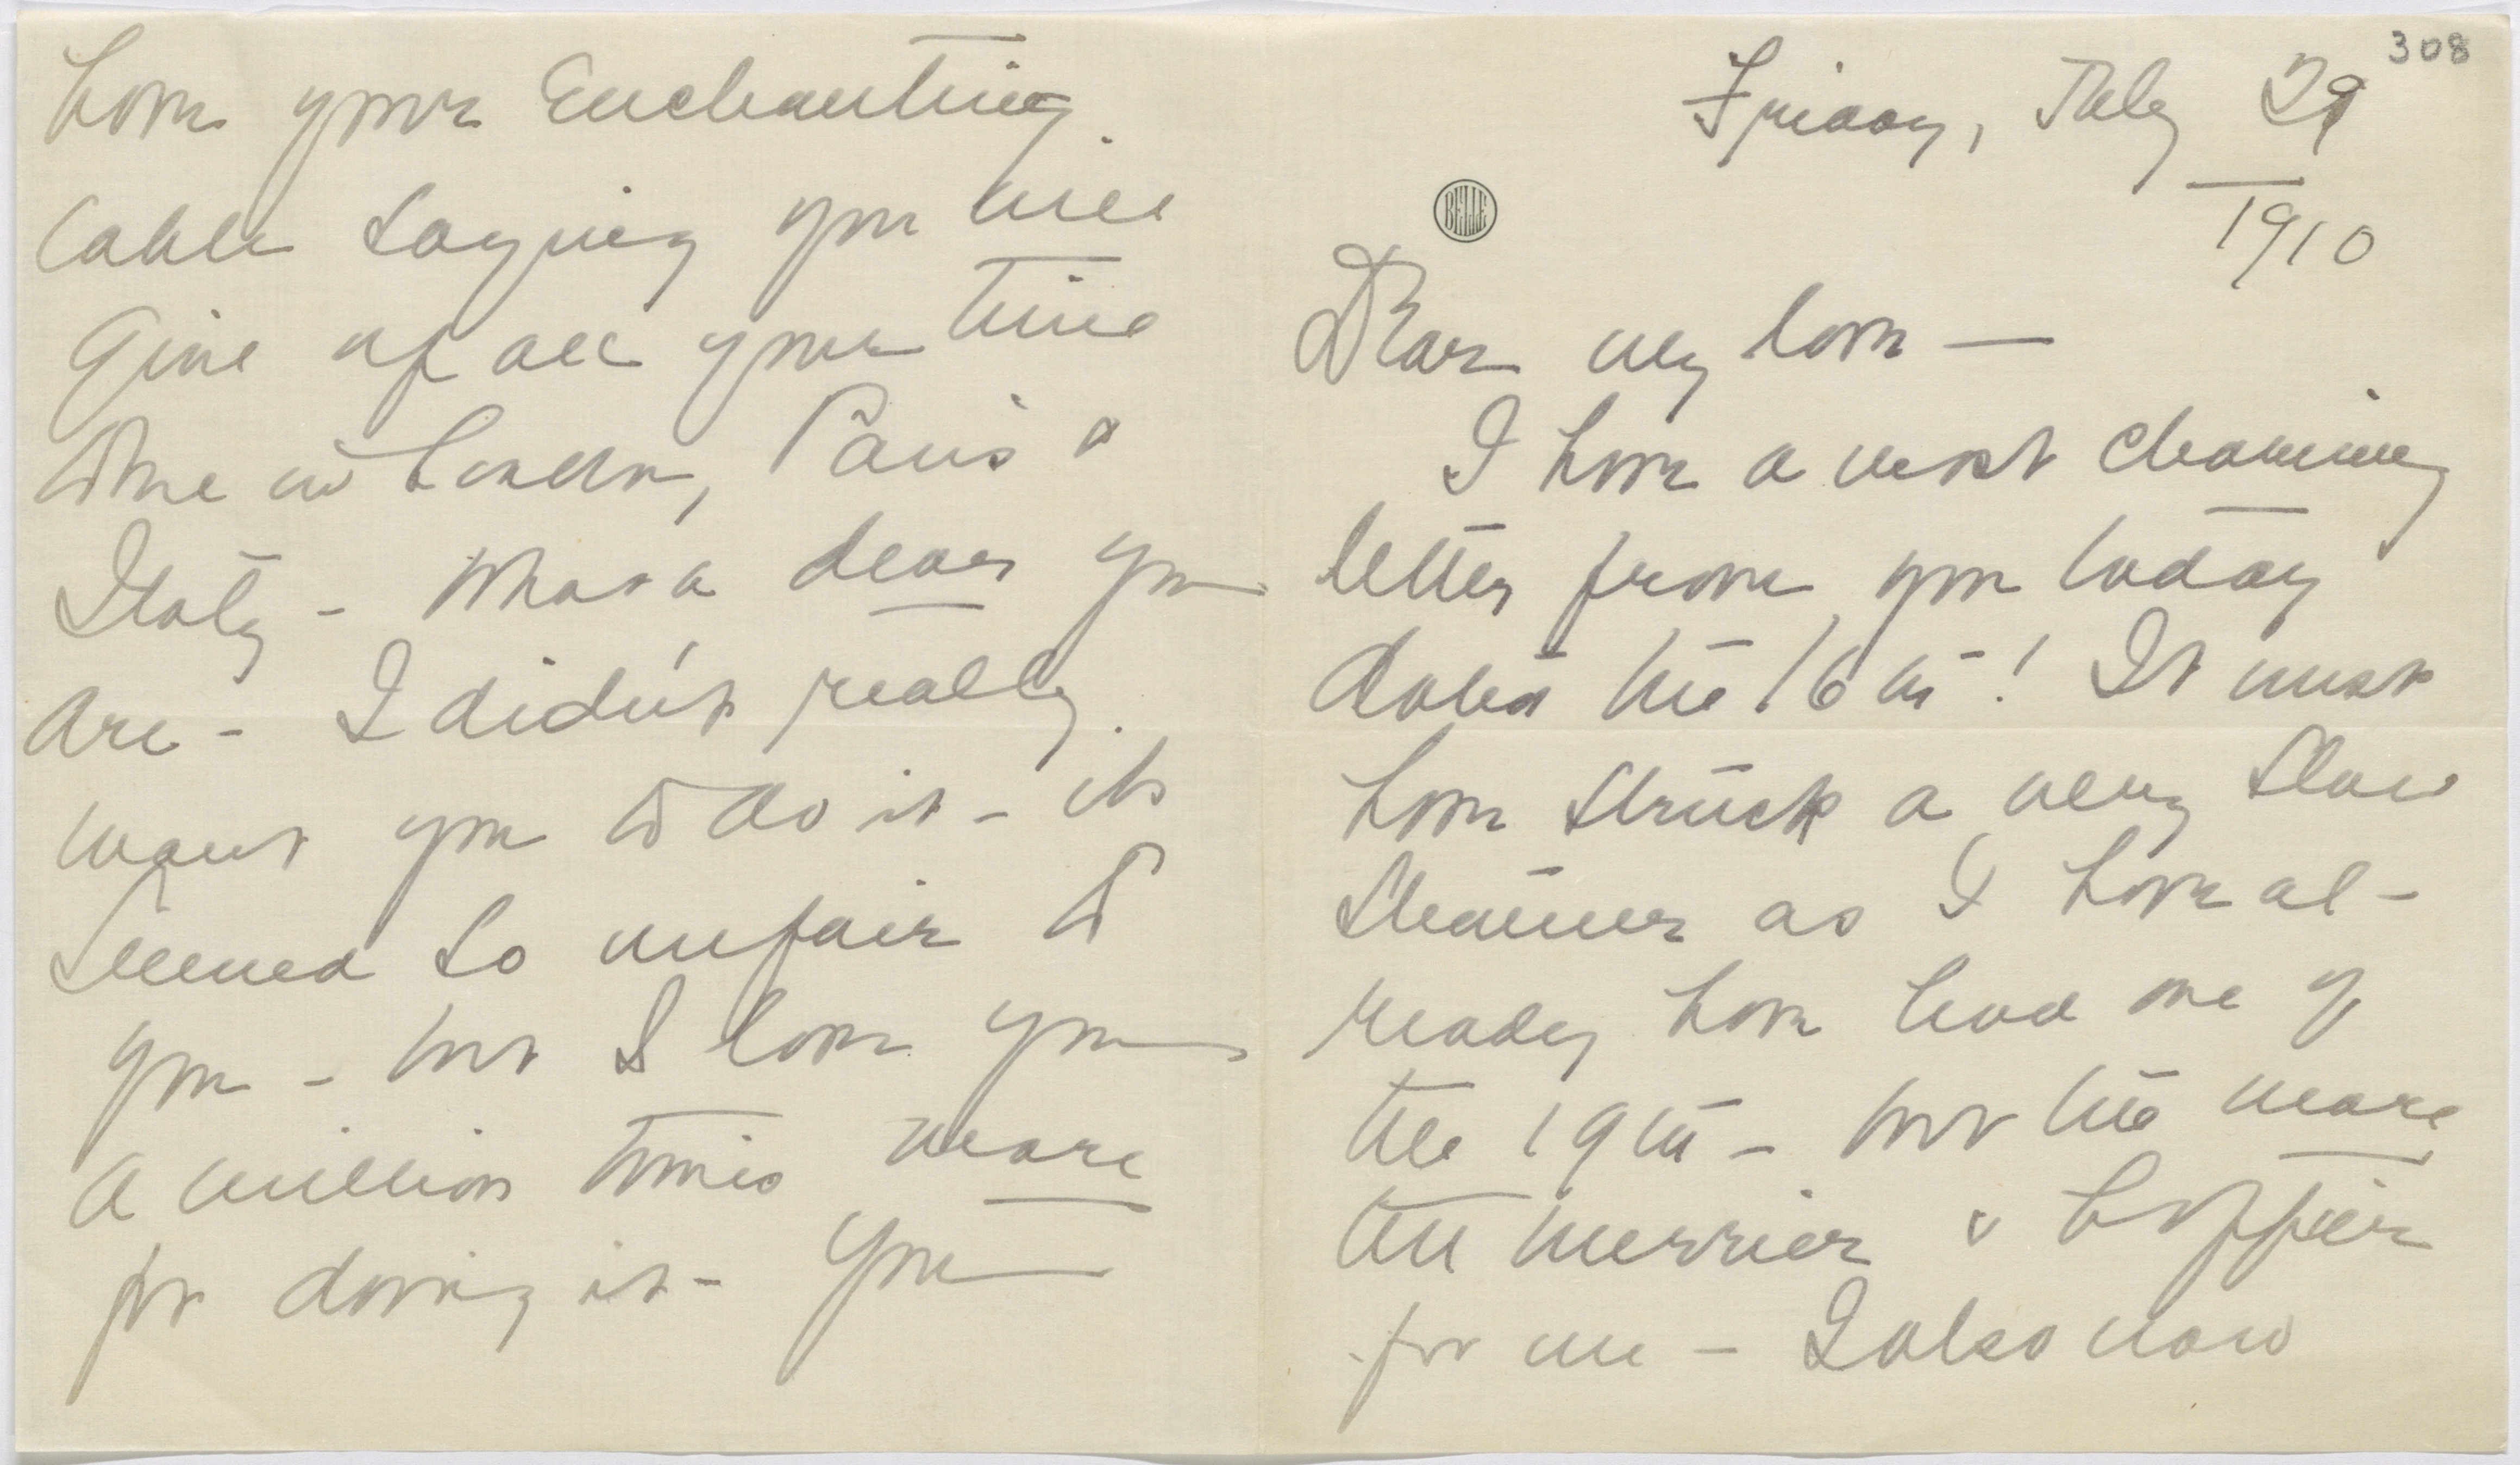Friday, July 29
Dear my love –
I have a most charming letter from you today dated the 16th! It must have struck a very slow steamer as I have already have [sic] had the one of the 19th – but the more the merrier & happier for me – I also now
have your enchanting cable saying you will give up all of your time to me in London, Paris & Italy – what a dear you are – I didn’t really want you to do it – it seemed so unfair to you – but I love you a million times more for doing it – You